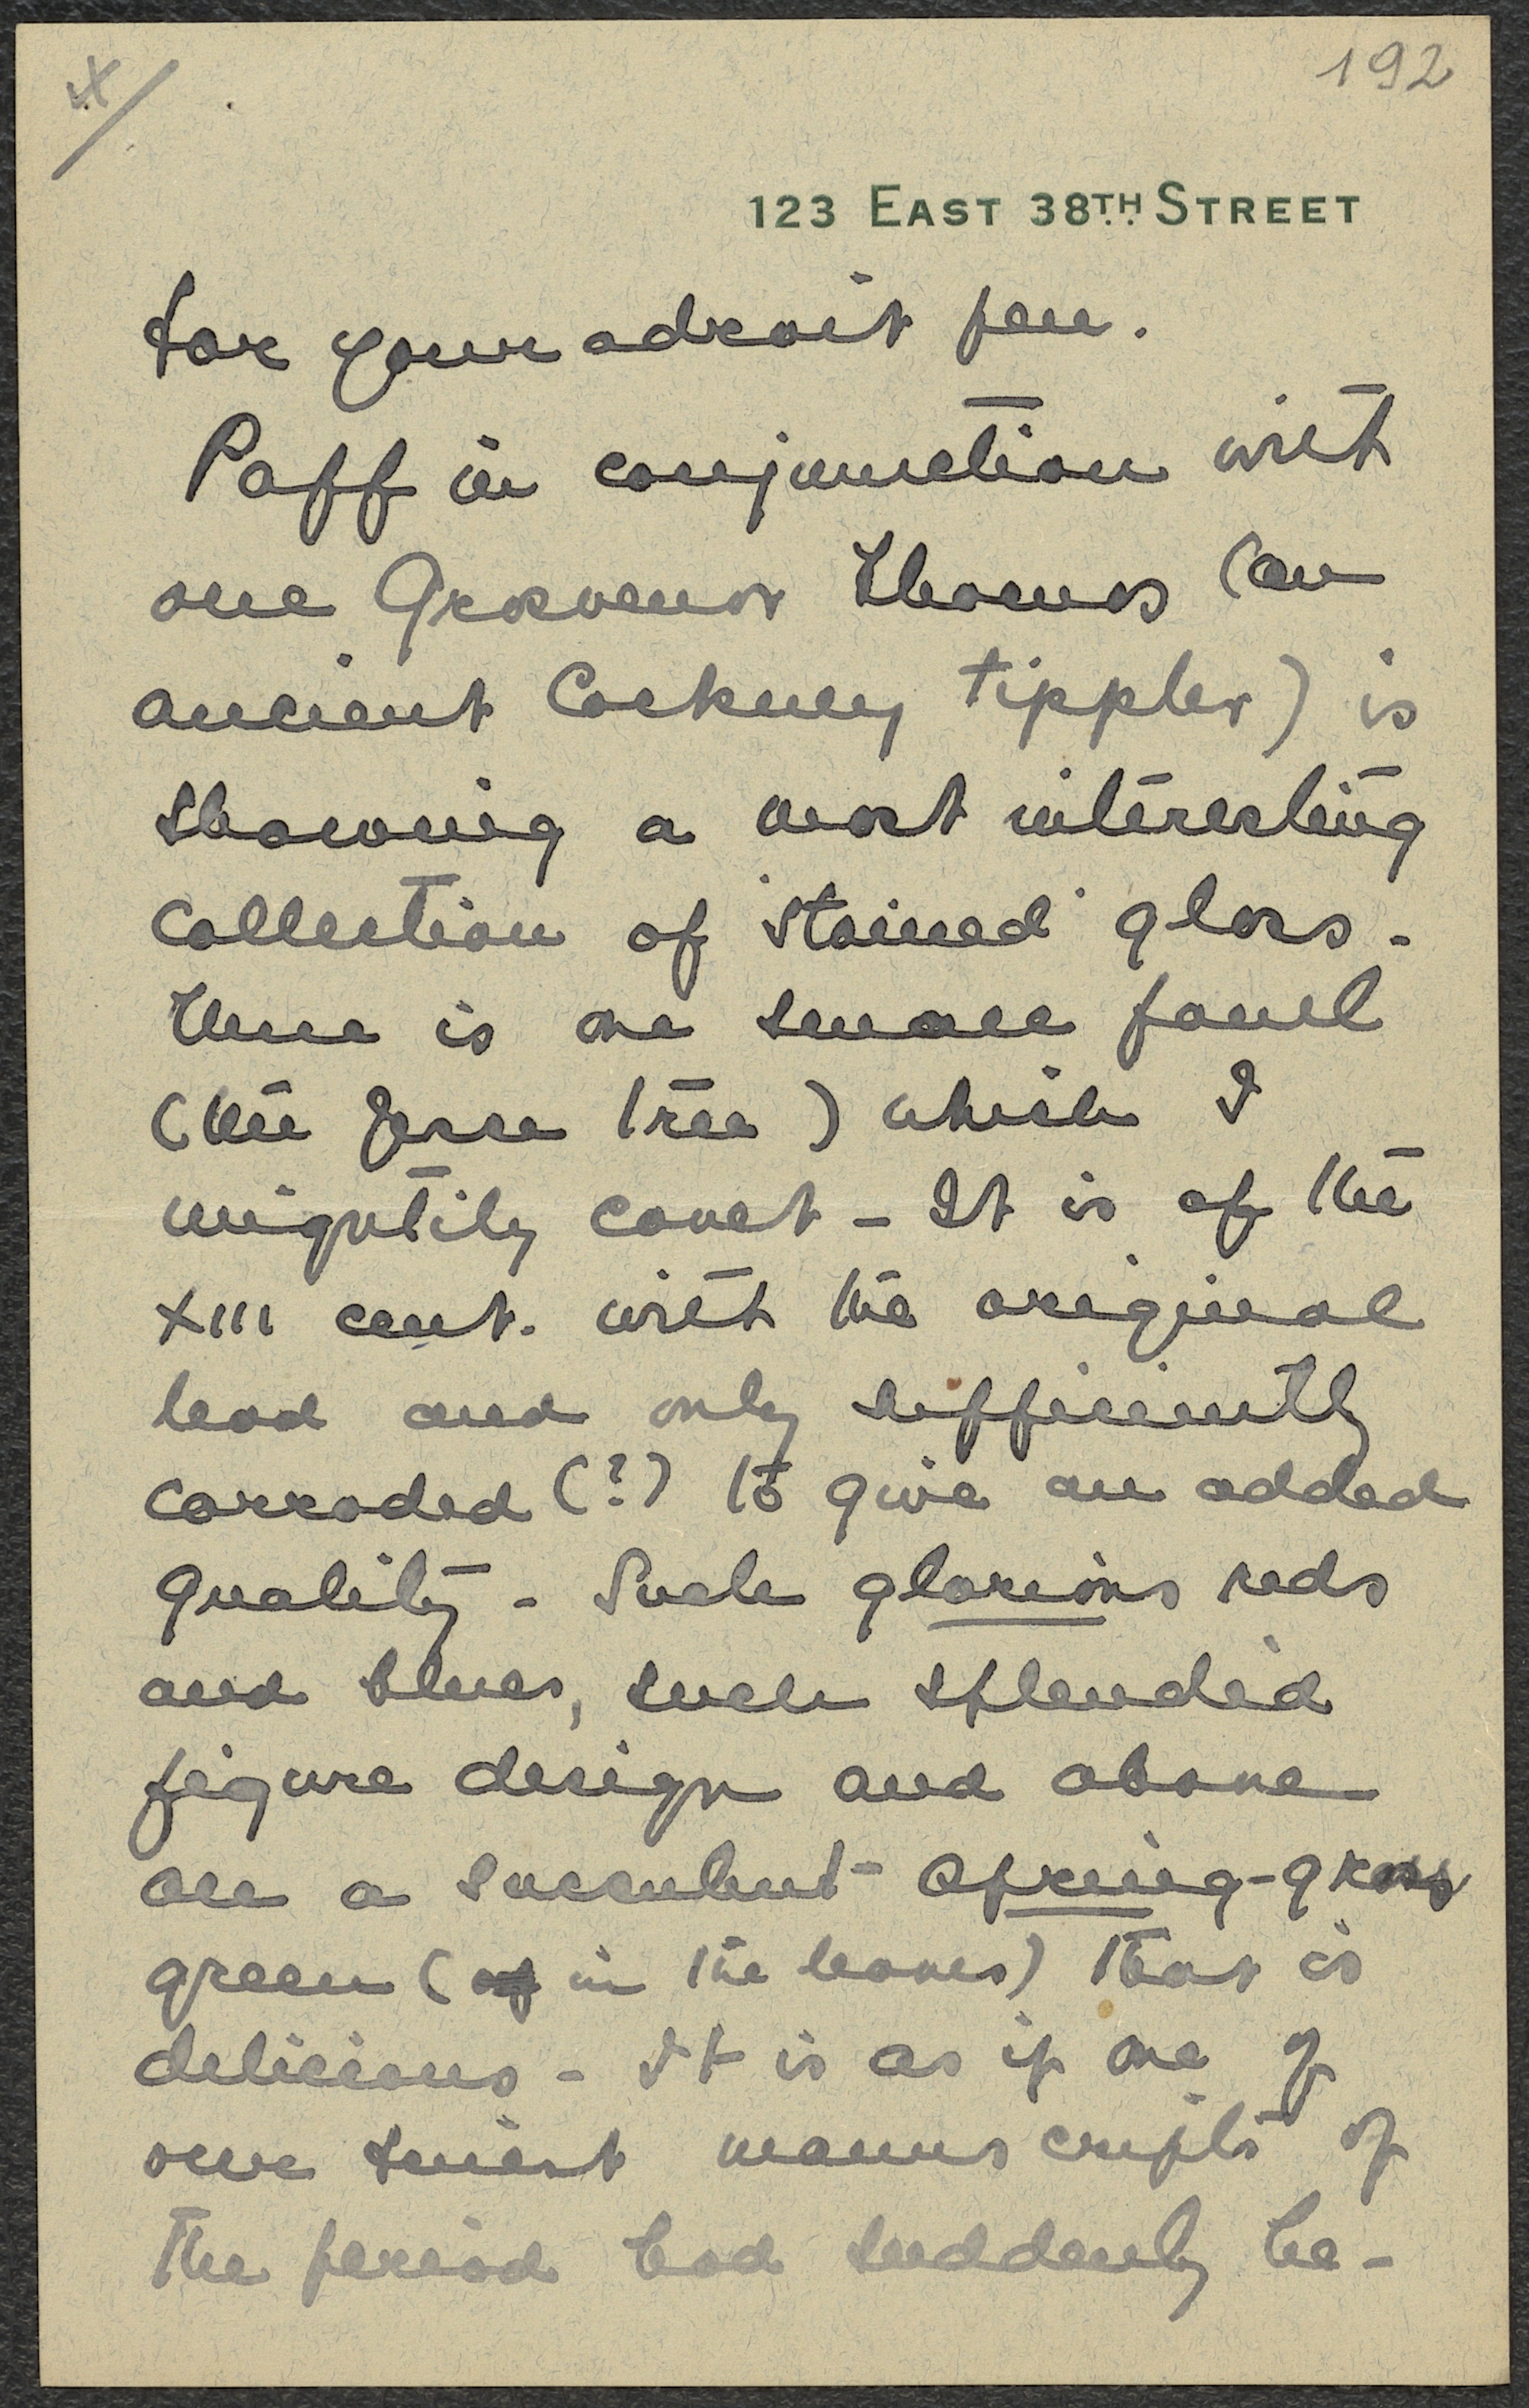for your adroit pen.
Paff in conjunction with one Grosvenor Thomas (an ancient Cockney tippler) is showing a most interesting collection of "stained" glass – There is one small panel (the Jesse tree) which I mightily covet – It is of the XIII cent. with the original lead and only sufficiently corroded (?) to give an added quality – Such glorious reds and blues, such splendid figure design and above all a succulent – spring grass green (of in the leaves) that is delicious – It is as if one of our finest manuscripts of the period had suddenly become